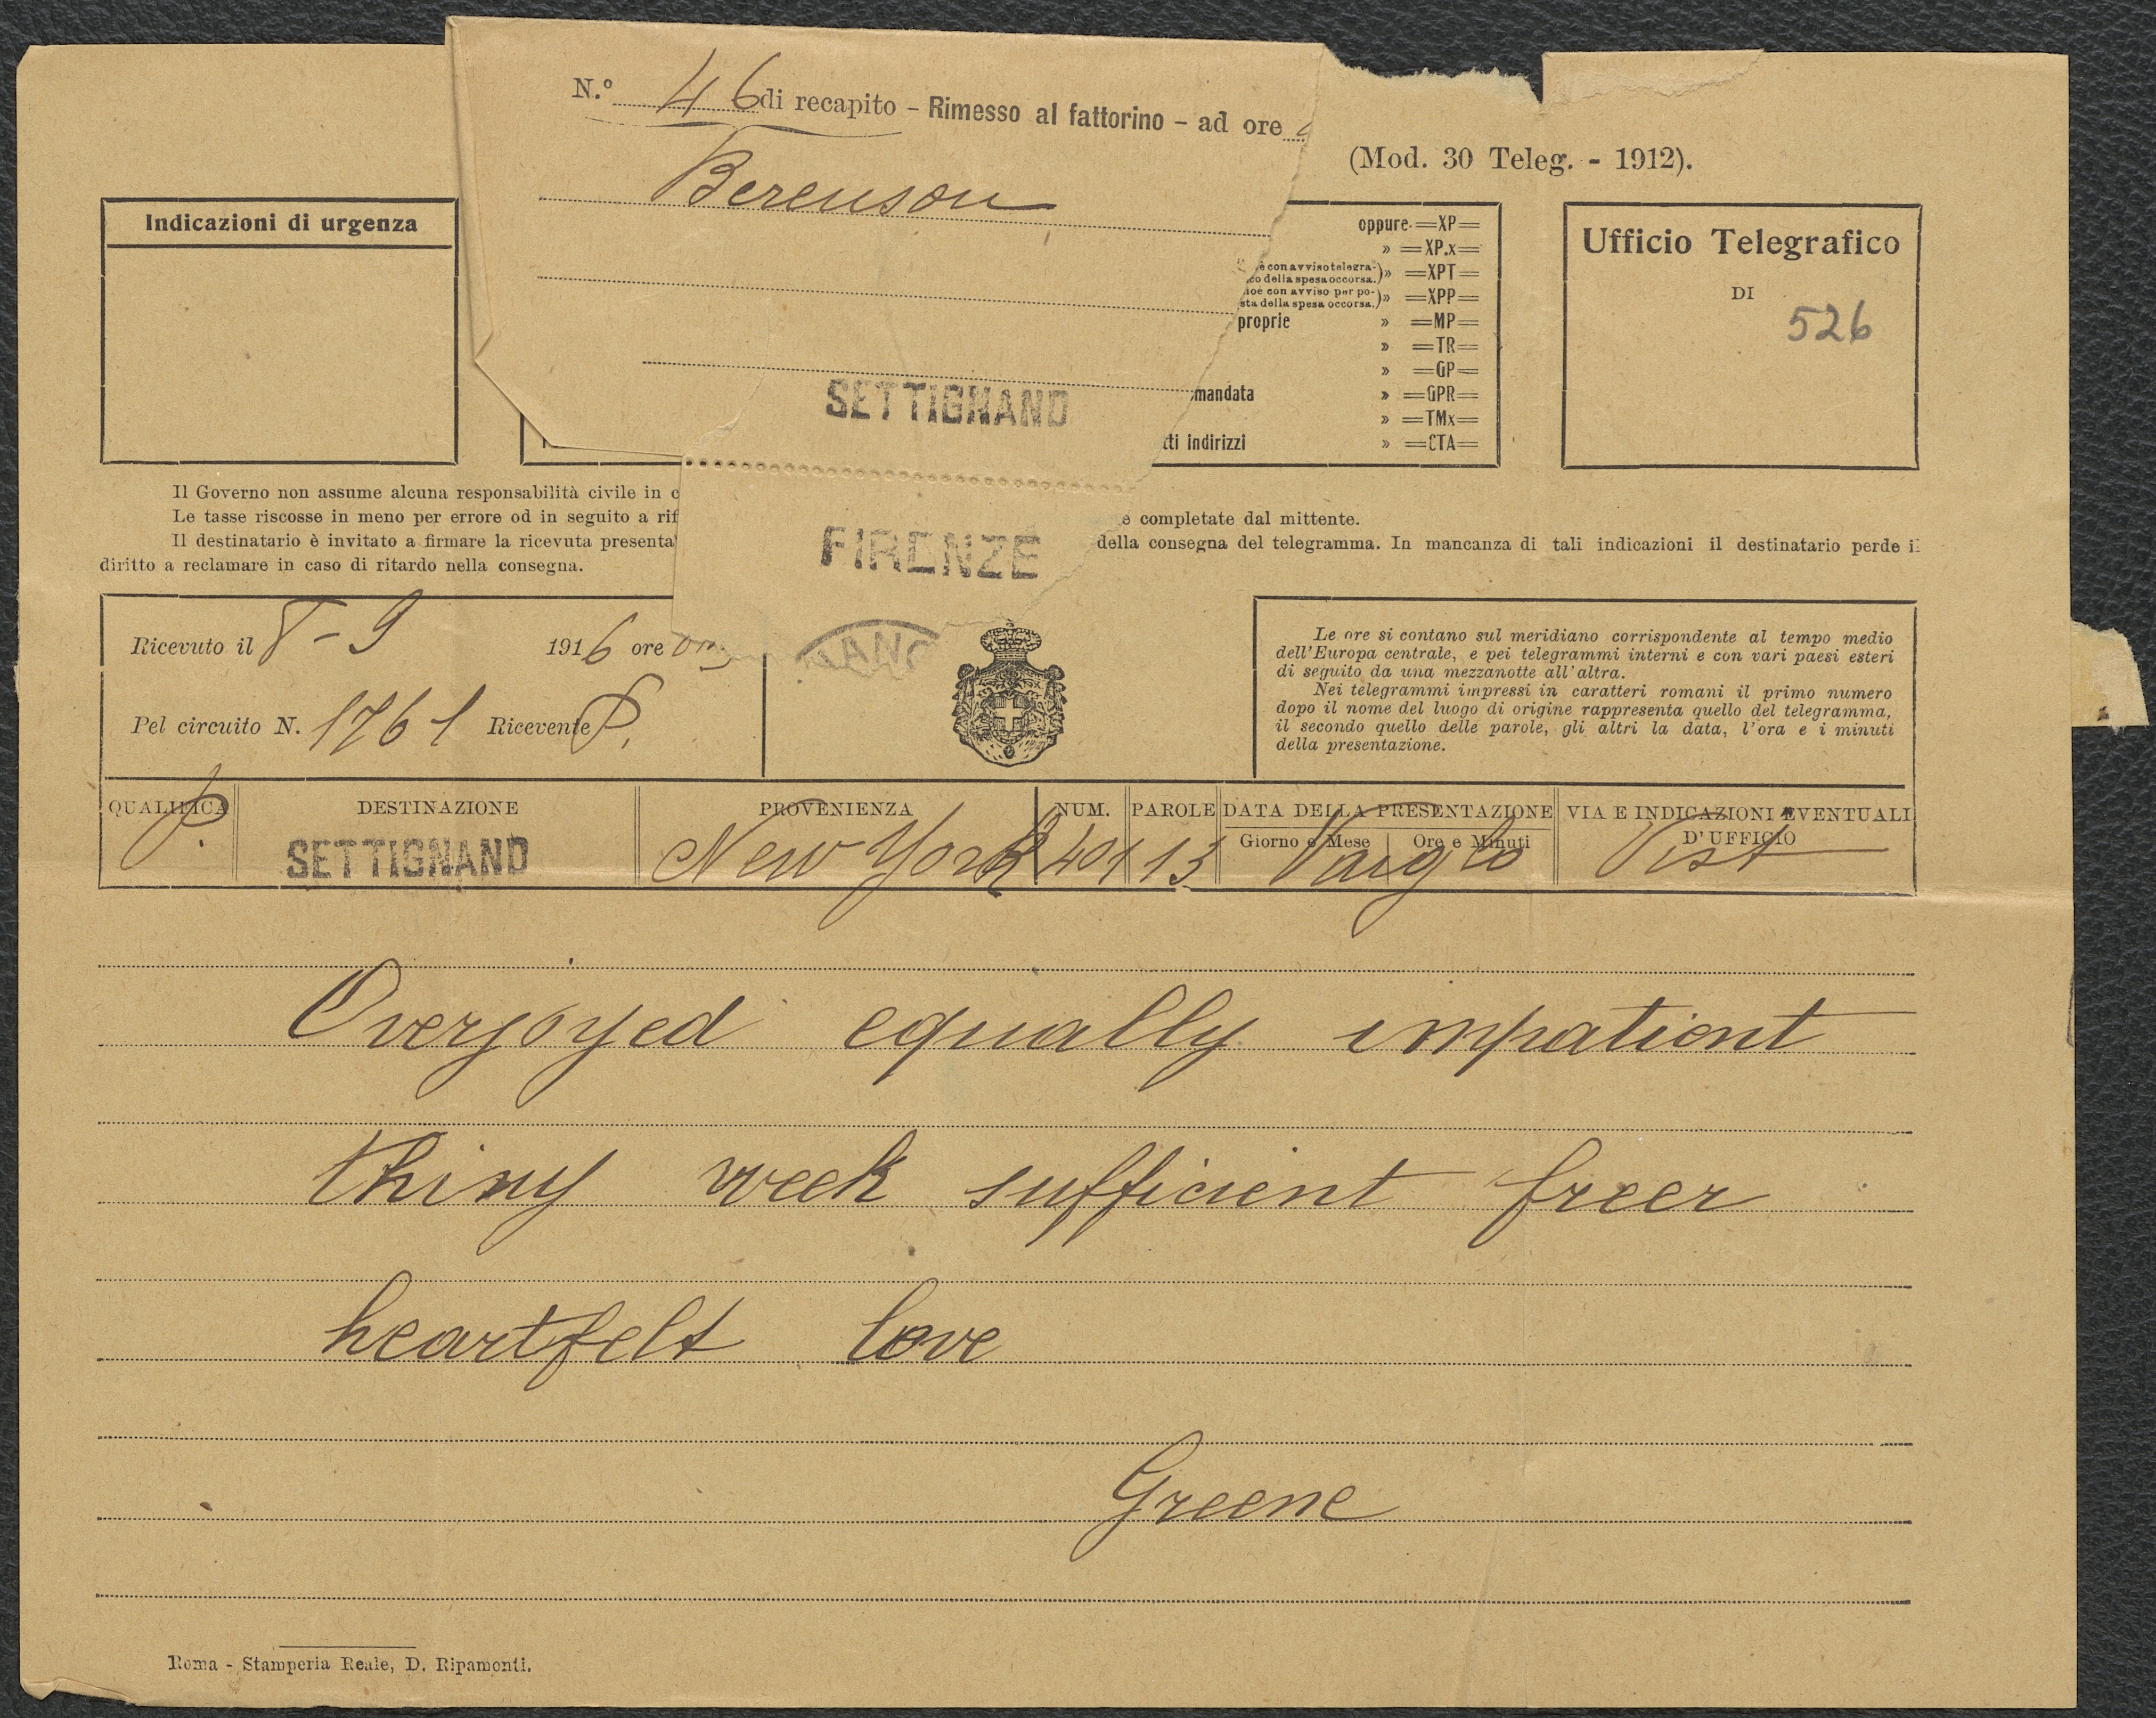Overjoyed equally impatient thing week sufficient freer heartfelt love
Greene